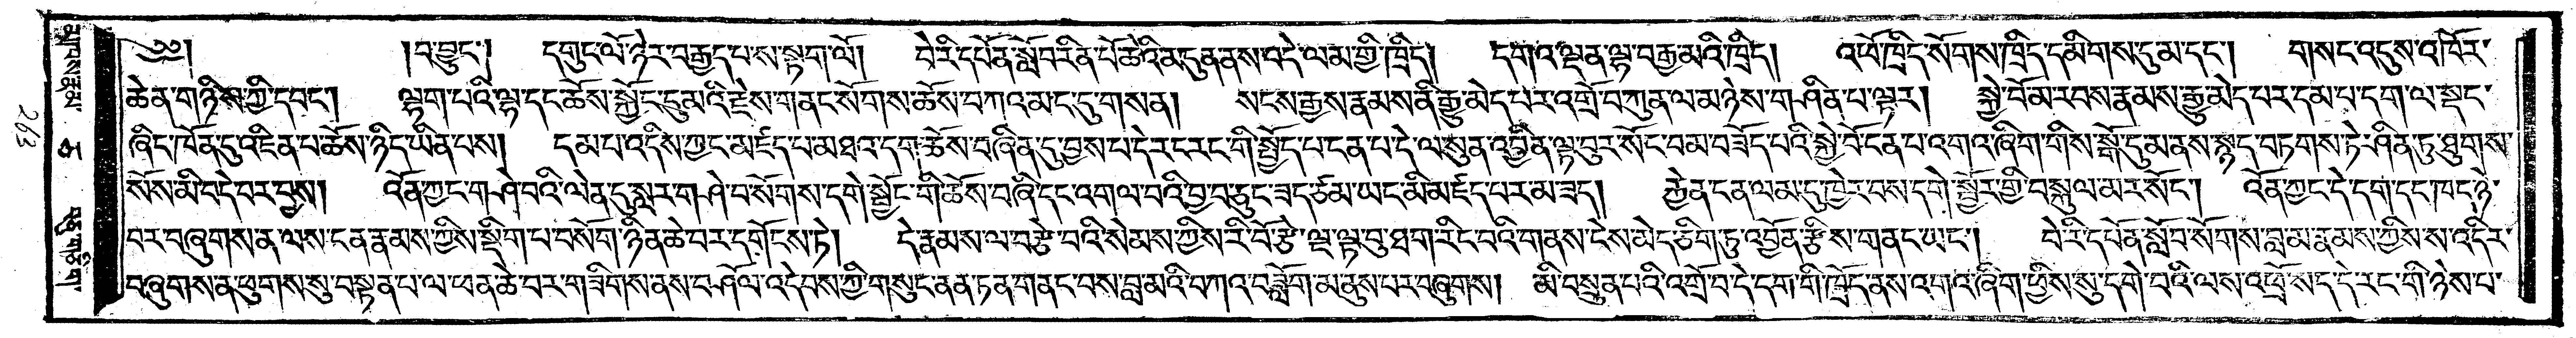༄༅། །བ་བྱུང་། དགུང་ལོ་ཉེར་བརྒྱད་པ་ས་སྟག་ལོ། བེ་རི་དབོན་སློབ་རིན་པོ་ཆེའི་མདུན་ནས་བདེ་ལམ་གྱི་ཁྲིད། དགའ་ལྡན་ལྷ་བརྒྱ་མའི་ཁྲིད། འཕོ་ཁྲིད་སོགས་ཁྲིད་དམིགས་དུ་མ་དང་། གསང་འདུས་འཁོར་
ཆེན་གཉིས་ཀྱི་དབང་། ལྷག་པའི་ལྷ་དང་ཆོས་སྐྱོང་དུ་མའི་རྗེས་གནང་སོགས་ཆོས་བཀའ་མང་དུ་གསན། སངས་རྒྱས་རྣམས་ནི་རྒྱུ་མེད་པར་འགྲོ་བ་ཀུན་ལ་མཉེས་གཤིན་པ་ལྟར། སྐྱེ་བོ་མ་རབས་རྣམས་རྒྱུ་མེད་པར་དམ་པ་དག་ལ་སྡང་
ཞིང་ཁོན་དུ་འཛིན་པ་ཆོས་ཉིད་ཡིན་པས། དམ་པ་འདིས་ཀྱང་མཛད་པ་མཐའ་དག་ཆོས་བཞིན་དུ་བྱས་པ་དེ་རང་རང་གི་སྤྱོད་པ་ངན་པ་དེ་ལ་སུན་འབྱིན་ལྟ་བུར་སོང་བ་མ་བཟོད་པའི་སྐྱེ་བོ་ངན་པ་འགའ་ཞིག་གིས་སྒོ་དུ་མ་ནས་སྙད་བཏགས་ཏེ་ཤིན་ཏུ་ཐུགས་
སོས་མི་བདེ་བར་བྱས། འོན་ཀྱང་གཤེ་བའི་ལེན་དུ་སླར་གཤེ་བ་སོགས་དགེ་སྦྱོང་གི་ཆོས་བཞི་དང་འགལ་བའི་བྱ་བ་ཅུང་ཟད་ཙམ་ཡང་མི་མཛད་པར་མ་ཟད། རྐྱེན་ངན་ལམ་དུ་ཁྱེར་བས་དགེ་སྦྱོར་གྱི་བསྐུལ་མར་སོང་། འོན་ཀྱང་དེ་དག་དང་ཁང་ཉེ་
བར་བཞུགས་ནས་ལས་ངན་རྣམས་ཀྱིས་སྡིག་པ་བསོག་ཉིན་ཆེ་བར་དགོངས་ཏེ། དེ་རྣམས་ལ་བརྩེ་བའི་སེམས་ཀྱིས་རི་བོ་རྩེ་ལྔ་ལྟ་བུ་ཐག་རིང་བའི་གནས་ངེས་མེད་ཅིག་ཏུ་འབྱོན་རྩིས་གནང་ཡང་། བེ་རི་དཔོན་སློབ་སོགས་བླ་མ་རྣམས་ཀྱིས་ས་འདིར་
བཞུགས་ན་ཕུགས་སུ་བསྟན་པ་ལ་ཕན་ཆེ་བར་གཟིགས་ནས་བཤོལ་འདེབས་ཀྱི་གསུང་ནན་ཏན་གནང་བས་བླ་མའི་བཀའ་བཟློག་མ་ནུས་པར་བཞུགས། མི་བསྲུན་པའི་འགྲོ་བ་དེ་དག་གི་ཁྲོད་ནས་འགའ་ཞིག་ཕྱིས་སུ་དགེ་བའི་ལས་འཕྲོ་སད་དི་རང་གི་ཉེས་པ་